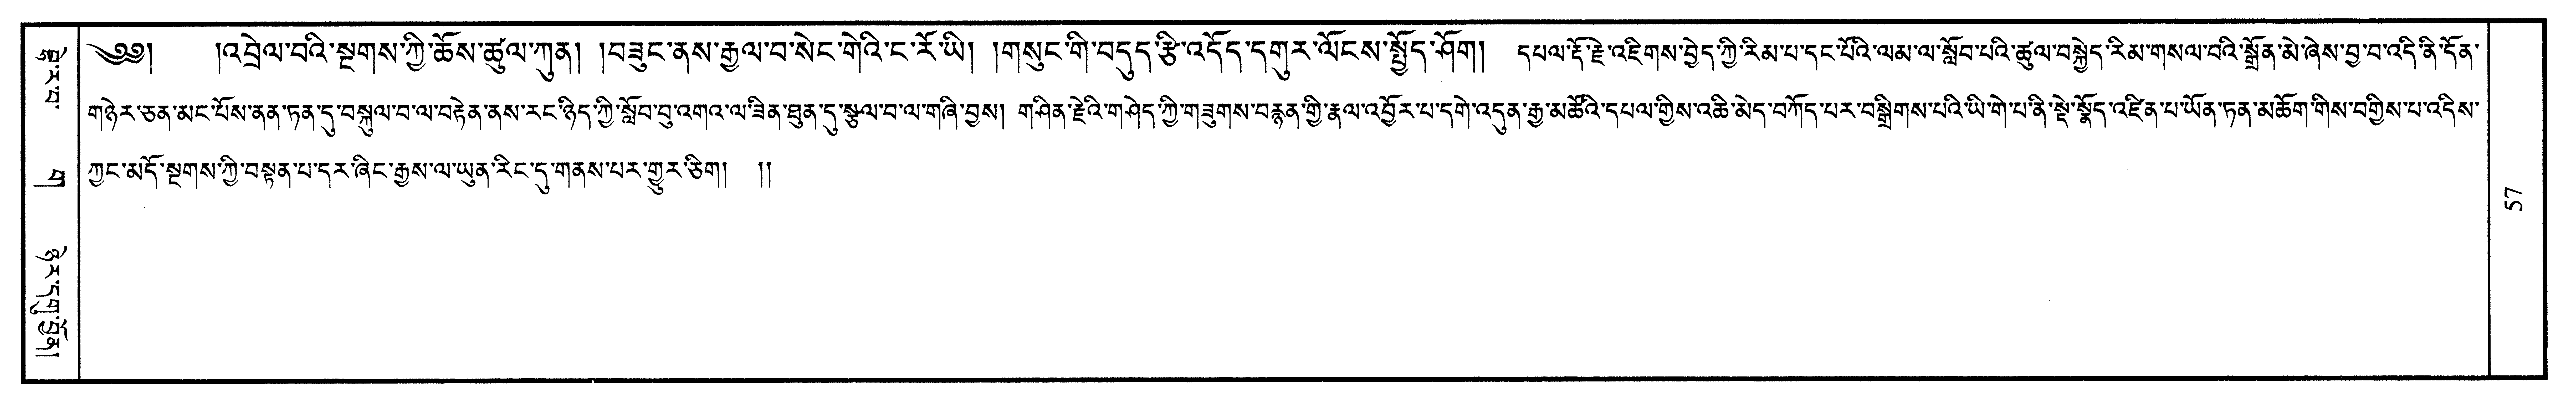༄༅། །འབྲེལ་བའི་སྔགས་ཀྱི་ཆོས་ཚུལ་ཀུན། །བཟུང་ནས་རྒྱལ་བ་སེང་གེའི་ང་རོ་ཡི། །གསུང་གི་བདུད་རྩི་འདོད་དགུར་ལོངས་སྤྱོད་ཤོག །དཔལ་རྡོ་རྗེ་འཇིགས་བྱེད་ཀྱི་རིམ་པ་དང་པོའི་ལམ་ལ་སློབ་པའི་ཚུལ་བསྐྱེད་རིམ་གསལ་བའི་སྒྲོན་མེ་ཞེས་བྱ་བ་འདི་ནི་དོན་
གཉེར་ཅན་མང་པོས་ནན་ཏན་དུ་བསྐུལ་བ་ལ་བརྟེན་ནས་རང་ཉིད་ཀྱི་སློབ་བུ་འགའ་ལ་ཟིན་ཐུན་དུ་སྩལ་བ་ལ་གཞི་བྱས། གཤིན་རྗེའི་གཤེད་ཀྱི་གཟུགས་བརྙན་གྱི་རྣལ་འབྱོར་པ་དགེ་འདུན་རྒྱ་མཚོའི་དཔལ་གྱིས་འཆི་མེད་བཀོད་པར་བསྒྲིགས་པའི་ཡི་གེ་པ་ནི་སྡེ་སྣོད་འཛིན་པ་ཡོན་ཏན་མཆོག་གིས་བགྱིས་པ་འདིས་
ཀྱང་མདོ་སྔགས་ཀྱི་བསྟན་པ་དར་ཞིང་རྒྱས་ལ་ཡུན་རིང་དུ་གནས་པར་གྱུར་ཅིག། །།